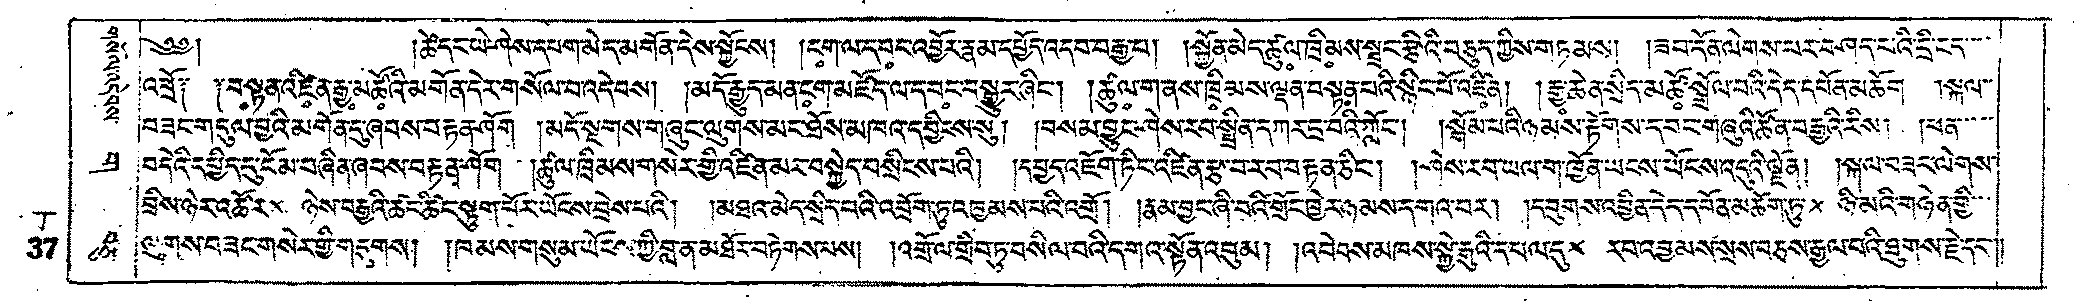༄༅། །ཚེ་དང་ཡེ་ཤེས་དཔག་མེད་མགོན་དེས་སྐྱོངས། །ངག་ལ་དབང་འབྱོར་རྣམ་དཔྱོད་འདབ་བརྒྱ་པ། །སྐྱོན་མེད་ཚུལ་ཁྲིམས་སྦྲང་རྩིའི་བཅུད་ཀྱིས་གཏམས། །ཟབ་དོན་ལེགས་པར་བཤད་པའི་དྲི་ངད་་་
འཕྲོ༑ ༑བསྟན་འཛིན་རྒྱ་མཚོའི་མགོན་དེར་གསོལ་བ་འདེབས། །མདོ་རྒྱུད་མན་ངག་མཛོད་ལ་དབང་བསྒྱུར་ཟིང་། །ཚུལ་གནས་ཁྲིམས་ལྡན་བསྟན་པའི་སྙིང་པོ་འཛིན། །རྒྱ་ཆེན་སྲིད་མཚོ་སྒྲོལ་བའི་དེད་དཔོན་མཆོག །སྐལ་་་
བཟང་གདུལ་བྱའི་མགོན་དུ་ཞབས་བརྟན་ཤོག །མདོ་སྔགས་གཞུང་ལུགས་མང་ཐོས་མཁའ་དབྱིངས་སུ། །བསམ་བྱུང་ཤེས་རབ་སྤྲིན་དཀར་དྲ་བའི་ཀློང་། །སྒོམ་པའི་ཉམས་རྟོགས་དབང་གཞུའི་ཚོན་བརྒྱའི་རིས། །ཕན་་་
བདེའི་དཔྱིད་དུ་ངོམ་བཞིན་ཞབས་བརྟན་ཤོག །ཚུལ་ཁྲིམས་གསེར་གྱི་འཛིན་མར་བསྐྱེད་བསྲིངས་པའི། །དཔྱད་འཇོག་ཏིང་འཛིན་རྩ་བ་རབ་བརྟན་ཅིང་། །ཤེས་རབ་ཡལ་ག་ཁྱོན་ཡངས་ཡོངས་འདུའི་ལྗོན། །སྐལ་བཟང་ལེགས་
བྲིས་ཉེར་འཚོར་྾་ཉེས་བརྒྱའི་ཚང་ཚིང་ལྟུག་པོར་ཡོངས་བྲེས་པའི། །མཐའ་མེད་སྲིད་པའི་འབྲོག་ཏུ་འཁྱམས་པའི་འགྲོ། །རྣམ་བྱང་ཞི་བའི་གྲོང་ཁྱེར་ཉམས་དགའ་བར། །དབུགས་འབྱིན་དེད་དཔོན་མཆོག་ཏུ་྾་ཉི་མའི་གཉེན་གྱི་་་
ལུགས་བཟང་གསེར་གྱི་གདུགས། །ཁམས་གསུམ་ཡོངས་ཀྱི་བླ་ན་མཐོར་བཏེགས་པས། །འགྲོ་ལ་གྲིབ་ཏུ་བསིལ་བའི་དགའ་སྟོན་འབུམ། །འབེབས་མཁས་སྐྱེ་རྒུའི་དཔལ་དུ་྾་རབ་འབྱམས་སྲས་བཅས་རྒྱལ་བའི་ཐུགས་རྗེ་དང།།